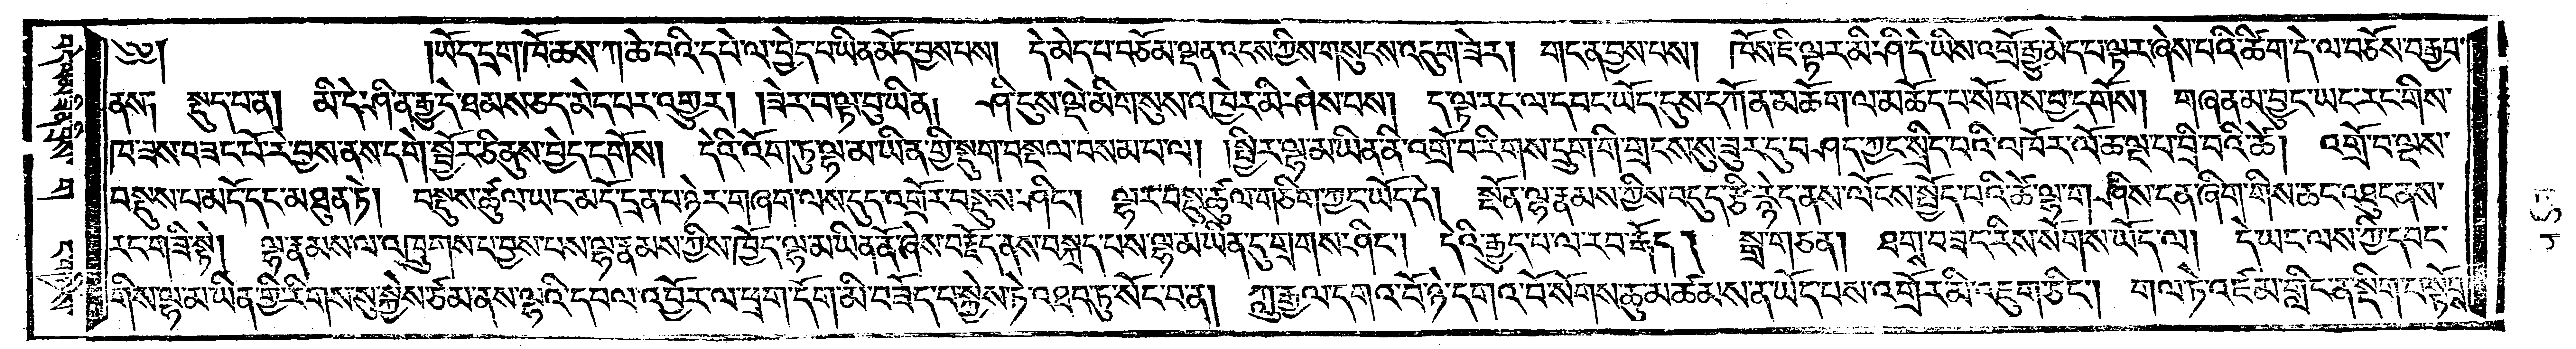༄༅། །ཡོད་དྲག་ཁོ་ཆས་ཀ་ཆེ་བའི་དཔེལ་བྱེད་པ་ཡིན་མདོ་བྱས་པས། དེ་མེད་པ་བཅོམ་ལྡན་འདས་ཀྱིས་གསུངས་འདུར་ཟེར། གདན་བྱས་པས། ཁོས་ཇི་ལྟར་མི་ཤི་དེ་ཡིས་འགྲོ་རྒྱུ་མེད་པ་ལྟར་ཞེས་པའི་ཚིག་དེ་ལ་བཅོས་བརྒྱང་
ནས༑ སྡུད་པ་ན། མི་དེ་ཤི་ན་རྒྱུ་དེ་ཐམས་ཅད་མེད་པར་འགྱུར། །ཟེར་བ་ལྟ་བུ་ཡིན། ཤི་དུས་ལྡེ་མིག་སུས་འཁྱེར་མི་ཤེས་བས། ད་ལྟ་རང་ལ་དབང་ཡོད་དུས་དཀོན་མཆོག་ལ་མཆོད་པ་སོགས་བྱ་དགོས། གཞན་མ་བྱུང་ཡང་རང་གིས་
ཁ་ཟས་བཟང་པོ་རེ་བྱས་ནས་དགེ་སྦྱོར་ཅི་ནུས་བྱེད་དགོས། དེའི་འོག་ཏུ་ལྷ་མ་ཡིན་གྱི་སྡུག་བསྔལ་བསམ་པ་ལ། །སྤྱིར་ལྷ་མ་ཡིན་ནི་འགྲོ་བ་རིགས་དྲུག་གི་གྲངས་སུ་ཟུར་དུ་བཤད་ཀྱང་སྲིད་པའི་འཁོར་ལོ་ཆ་ལྔ་པ་བྲི་བའི་ཚེ། འགྲོ་བ་ལྔས་
བསྡུས་པ་མདོ་དང་མཐུན་ཏེ། བསྡུས་ཚུལ་ཡང་མདོ་དྲན་པ་ཉེར་གཞག་ལས་དུད་འགྲོར་བསྡུས་ཤིང་། ལྷར་བསྡུ་ཚུལ་གཅིག་ཀྱང་ཡོད་དེ། སྤོན་ལྷ་རྣམས་ཀྱིས་བདུད་རྩི་རྙེད་ནས་ལོངས་སྤྱོད་པའི་ཚེ་ལྷ་གཤིས་ངན་ཞིག་གིས་ཆང་འཐུང་ནས་
རང་གཟི་སྟེ། ལྷ་རྣམས་ལ་འཁྲུགས་པ་བྱས་པས་ལྷ་རྣམས་ཀྱིས་ཁྱོད་ལྷ་མ་ཡིན་ནོ་ཞེས་བརྗོད་ནས་བསྐྲད་པས་ལྷ་མ་ཡིན་དུ་གྲགས་ཤིང་། དེའི་རྒྱུད་པ་ལ་རབ་རྒོད། སྒྲ་གཅན། ཐགས་བཟང་རིས་སོགས་ཡོད་ལ། དེ་ཡང་ལས་ཀྱི་དབང་
གིས་ལྷ་མ་ཡིན་གྱི་རིགས་སུ་སྐྱེས་ཙམ་ནས་ལྷའི་དཔལ་འབྱོར་ལ་ཕྲག་དོག་མི་བཟོད་པ་སྐྱེས་ཏེ་འཐབ་ཏུ་སོང་བ་ན། ཀླུ་རྒྱལ་དགའ་བོ་ཉེ་དགའ་བོ་སོགས་ཆུ་མཚམས་ན་ཡོད་པས་འགྲོར་མི་འཇུག་ཅིང་། གལ་ཏེ་འཛམ་གླིང་ན་སྡིག་པ་སྟོབས་